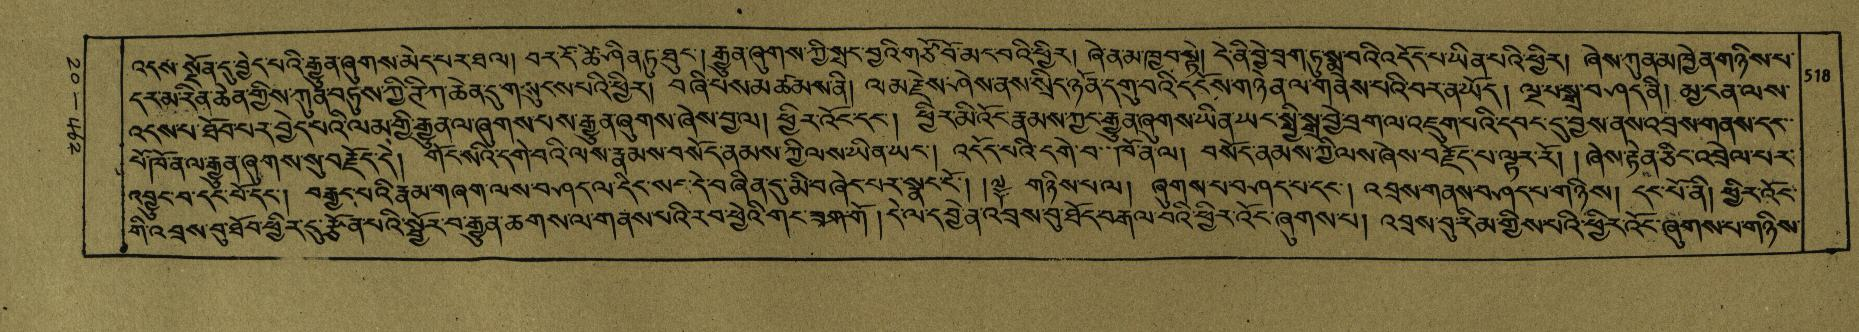འདས་སྔོན་དུ་བྱེད་པའི་རྒྱུན་ཞུགས་མེད་པར་ཐལ། བར་དོ་ཚེ་ཤིན་ཏུ་ཐུང་། རྒྱུན་ཞུགས་ཀྱི་སྤང་བྱའི་གཙོ་བོ་མང་བའི་ཕྱིར། ཞེ་ན་མ་ཁྱབ་སྟེ། དེ་ནི་བྱེ་བྲག་ཏུ་སྨྲ་བའི་འདོད་པ་ཡིན་པའི་ཕྱིར། ཞེས་ཀུན་མཁྱེན་གཉིས་པ་
དར་མ་རིན་ཆེན་གྱིས་ཀུན་བཏུས་ཀྱི་ཊིཀ་ཆེན་དུ་གསུངས་པའི་ཕྱིར། བཞི་པས་མཚམས་ནི། ལམ་རྗེས་ཤེས་ནས་སྲིད་ཉོན་དགུ་བའི་དངོས་གཉེན་ལ་གནས་པའི་བར་ན་ཡོད། ལྔ་པ་སྒྲ་བཤད་ནི། མྱ་ངན་ལས་
འདས་པ་ཐོབ་པར་བྱེད་པའི་ལམ་གྱི་རྒྱུན་ལ་ཞུགས་པས་རྒྱུན་ཞུགས་ཞེས་བྱ་ལ། ཕྱིར་འོང་དང་། ཕྱིར་མི་འོང་རྣམས་ཀྱང་རྒྱུན་ཞུགས་ཡིན་ཡང་སྤྱི་སྒྲ་བྱེ་བྲག་ལ་འཇུག་པའི་དབང་དུ་བྱས་ནས་འབྲས་གནས་དང་
པོ་ཁོ་ན་ལ་རྒྱུན་ཞུགས་སུ་བརྗོད་དེ། གོང་སའི་དགེ་བའི་ལས་རྣམས་བསོད་རྣམས་ཀྱི་ལས་ཡིན་ཡང་། འདོད་པའི་དགེ་བ་ཁོ་ན་ལ། བསོད་ནམས་ཀྱི་ལས་ཞེས་བརྗོད་པ་ལྟར་རོ། །ཞེས་རྟེན་ཅིང་འབྲེལ་པར་
འབྱུང་བ་དང་པོ་དང་། བརྒྱད་པའི་རྣམ་གཞག་ལས་བཤད་ལ་དིང་སང་དེ་བཞིན་དུ་མི་བཞེང་པར་སྣང་ངོ། །༈ གཉིས་པ་ལ། ཞུགས་པ་བཤད་པ་དང་། འབྲས་གནས་བཤད་པ་གཉིས། དང་པོ་ནི། ཕྱིར་འོང་
གི་འབྲས་བུ་ཐོབ་ཕྱིར་དུ་རྩོན་པའི་སྦྱོར་བ་རྒྱུན་ཆགས་ལ་གནས་པའི་རབ་ཕྱེའི་གང་ཟག་གོ །དེ་ལ་དབྱེ་ན་འབྲས་བུ་ཐོད་བརྒལ་བའི་ཕྱིར་འོང་ཞུགས་པ། འབྲས་བུ་རིམ་གྱིས་པའི་ཕྱིར་འོང་ཞུགས་པ་གཉིས་